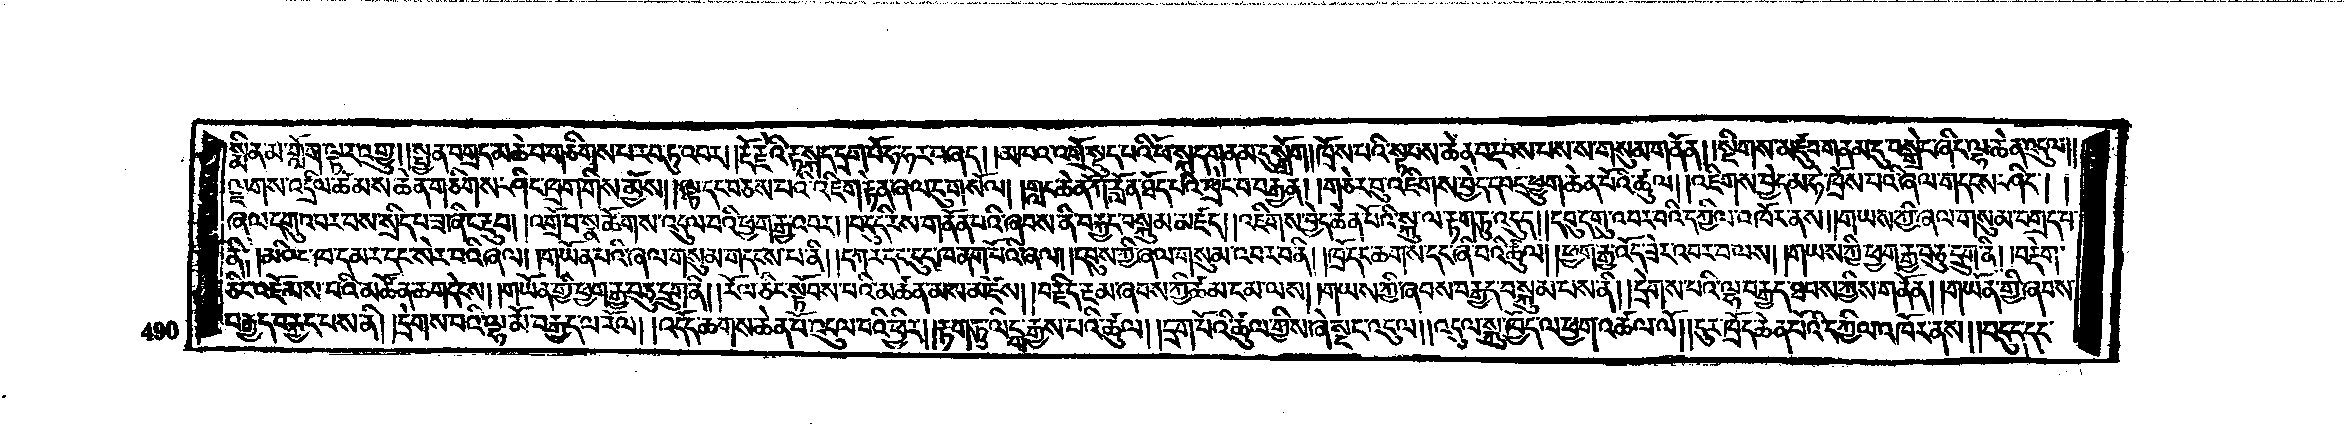སྨིན་མ་གློག་ལྟར་འགྱུ། །སྤྱན་བགྲད་མཆེ་བ་གཙིགས་པ་རབ་ཏུ་འབར། །རྡོ་རྗེའི་རྟ་སྐད་དྲག་པོ་ཧ་ཧར་བཞད། །མཁའ་འགྲོ་སྡུད་པའི་ཕེཾ་སྐད་གནམ་དུ་སྒྲོག །ཁྲོས་པའི་སྟབས་ཆེན་བརྡབས་པས་ས་གསུམ་གནོན། །སྡིགས་མཛུབ་གནམ་དུ་བསྒྲེང་ཞིང་ལྷ་ཆེན་འདུལ། །
ལྗགས་འདྲིལ་ཚམས་ཆེན་གཅིགས་ཤིང་ཁྲག་གིས་མྱོས། །ལྷ་དང་བཅས་པའི་འཇིག་རྟེན་ཞལ་དུ་གསོལ། །གླང་ཆེན་ཀོ་རློན་ཐོད་པའི་ཕྲེང་བ་བརྒྱན། །གཅེར་བུ་འཇིགས་བྱེད་དབང་ཕྱུག་ཆེན་པོའི་ཚུལ། །འཇིགས་བྱེད་མ་ཧེ་ཁྲོས་པའི་ཞལ་གདངས་ཤིང་། །
ཞལ་དགུ་འབར་བས་སྲིད་པ་ཟ་ཞིང་རྔུབ། །འགྲོ་བ་སྣ་ཚོགས་འདུལ་བའི་ཕྱག་རྒྱ་འབར། །བདུད་རིས་གནོན་པའི་ཞབས་ནི་བརྐྱང་བསྐུམ་མཛད། །འཇིགས་བྱེད་ཆེན་པོའི་སྐུ་ལ་རྟག་ཏུ་འདུད། །དབུ་དགུ་འབར་བའི་དཀྱིལ་འཁོར་ནས། །གཡས་ཀྱི་ཞལ་གསུམ་བགྲད་པ་
ནི། །མཐིང་ཁ་དམར་དང་སེར་བའི་ཞལ། །གཡོན་པའི་ཞལ་གསུམ་གདངས་པ་ནི། །དཀར་དང་དུད་ཁ་ནག་པོའི་ཞལ། །དབུས་ཀྱི་ཞལ་གསུམ་འབར་བ་ནི། །ཁྲོ་དང་ཆགས་དང་ཞི་བའི་ཚུལ། །ཕྱག་རྒྱ་འོད་ཟེར་འབར་བ་ལས། །གཡས་ཀྱི་ཕྱག་རྒྱ་བཅུ་དྲུག་ནི། །བརྡེག་
ཅིང་འཇོམས་པའི་མཚོན་ཆ་གདེངས། །གཡོན་གྱི་ཕྱག་རྒྱ་བཅུ་དྲུག་ནི། །རོལ་ཅིང་སྟོབས་པའི་མཚན་མས་མཛེས། །བརྗིད་རྔམ་ཞབས་ཀྱི་ཚམ་ངམ་ལས། །གཡས་ཀྱི་ཞབས་བརྒྱད་བསྐུམ་པས་ནི། །དྲེགས་པའི་ལྷ་བརྒྱད་ཐབས་ཀྱིས་གནོན། །གཡོན་གྱི་ཞབས་
བརྒྱད་བརྐྱང་བས་ནི། །དྲེགས་པའི་ལྷ་མོ་བརྒྱད་ལ་རོལ། །འདོད་ཆགས་ཆེན་པོ་འདུལ་བའི་ཕྱིར། །རྟག་ཏུ་ལིངྒ་རྒྱས་པའི་ཚུལ། །དྲག་པོའི་ཚུལ་གྱིས་ཞེ་སྡང་འདུལ། །འདུལ་སྐུ་ཁྱོད་ལ་ཕྱག་འཚལ་ལོ། །དུར་ཁྲོད་ཆེན་པོའི་དཀྱིལ་འཁོར་ནས། །བདུད་དང་